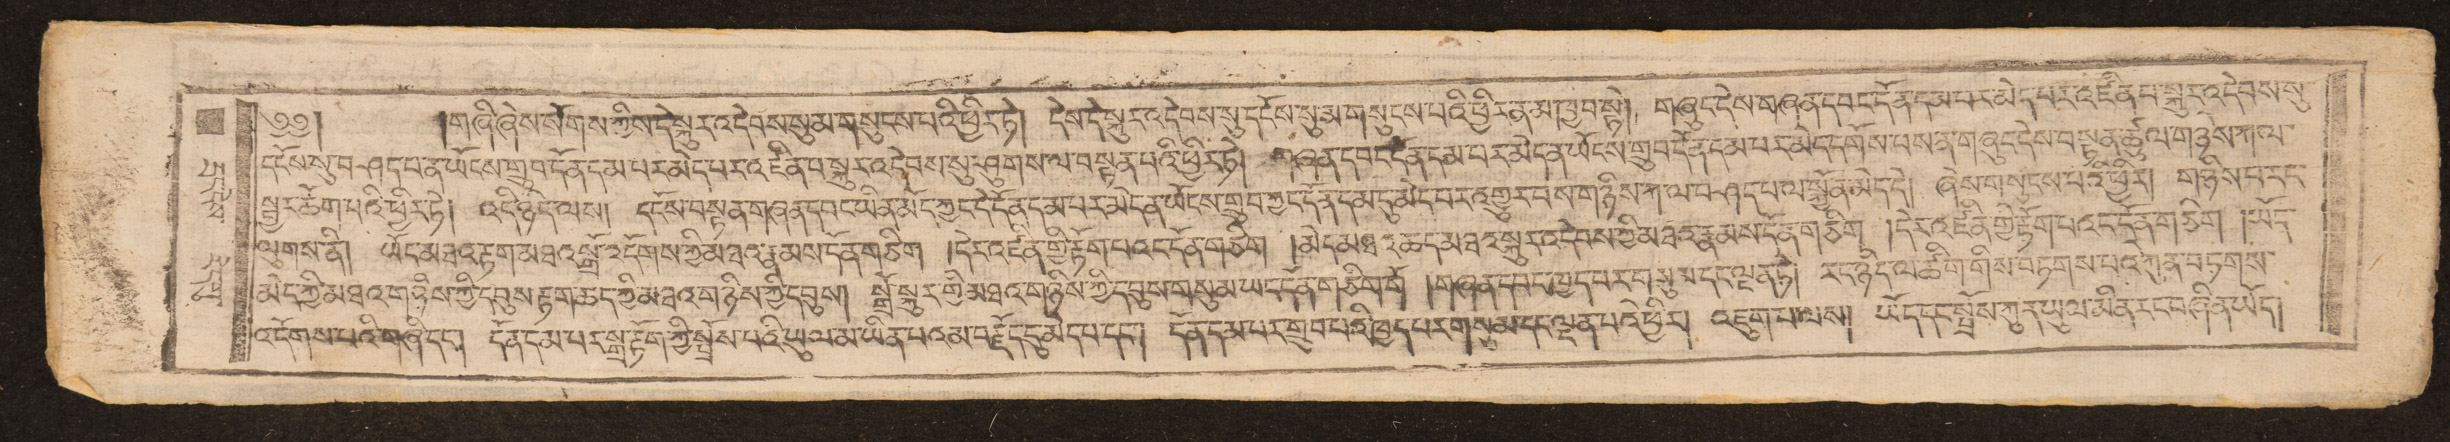༄༅། །གཞི་ཞེས་སོགས་ཀྱིས་དེ་སྐུར་འདེབས་སུམ་གསུངས་པའི་ཕྱིར་ཏེ། ངེས་དེ་སྐུར་འདེབས་སུ་དངོས་སུམ་གསུངས་པའི་ཕྱིར་ན་མ་ཁྱབ་སྟེ། གཞུང་ངེས་གཞན་དབང་དོན་དམ་པར་མེད་པར་འཛིན་པ་སྐུར་འདེབས་སུ་
དངོས་སུ་བཤད་པ་ན་ཡོངས་གྲུབ་དོན་དམ་པར་མེད་པར་འཛིན་པ་སྐུར་འདེབས་སུ་ཤུགས་ལ་བསྟན་པའི་ཕྱིར་ཏེ། གཞན་དབང་དོན་དམ་པར་མེད་ན་ཡོངས་གྲུབ་དོན་དམ་པར་མེད་དགོས་པས་ན་གཞུང་དེས་བསྟན་ཚུལ་གཉིས་ཀ་ལ་
སྦྱར་ཆོག་པའི་ཕྱིར་ཏེ། འདི་ཉིད་ལས། དངོས་བསྟན་གཞན་དབང་ཡིན་མོད་ཀྱང་དེ་དོན་དམ་པར་མེད་ན་ཡོངས་གྲུབ་བྱང་དོན་དམ་དུ་མེད་པར་འགྱུར་བས་གཉིས་ཀ་ལ་བཤད་པ་ལ་སྐྱོན་མེད་དེ། ཞེས་གསུངས་པའི་ཕྱིར། གཉིས་པ་རང་
ལུགས་ནི། ཡོད་མཐའ་རྟག་མཐའ་སྒྲོ་འདོགས་ཀྱི་མཐའ་རྣམས་དོན་གཅིག །དེར་འཛིན་གྱི་རྟོག་པའང་དོན་གཅིག །མེད་མཐའ་ཆད་མཐའ་སྐུར་འདེབས་ཀྱི་མཐའ་རྣམས་དོན་གཅིག །དེར་འཛིན་གྱི་རྟོག་པའང་དོན་གཅིག །ཡོད་
མེད་ཀྱི་མཐའ་གཉིས་ཀྱི་དབུས་རྟག་ཆད་ཀྱི་མཐའ་གཉིས་ཀྱི་དབུས། སྒྲོ་སྐུར་གྱི་མཐའ་གཉིས་ཀྱི་དབུས་གསུམ་ཡང་དོན་གཅིག་གོ །གཞན་དབང་ཁྱད་པར་གསུམ་དང་ལྡན་ཏེ། རང་ཉིད་ལ་ཚིག་གིས་བཏགས་པའི་ཀུན་བཏགས་
འདོགས་པའི་གཞི་དང་། དོན་དམ་པར་སྒྲ་རྟོག་ཀྱི་སྤྲོས་པའི་ཡུལ་མ་ཡིན་པའམ་བརྗོད་དུ་མེད་པ་དང་། དོན་དམ་པར་གྲུབ་པའི་ཁྱད་པར་གསུམ་དང་ལྡན་པའི་ཕྱིར། འཇུག་པ་ལས། ཡོད་དང་སྤྲོས་ཀུན་ཡུལ་མིན་རང་བཞིན་ཡོད།